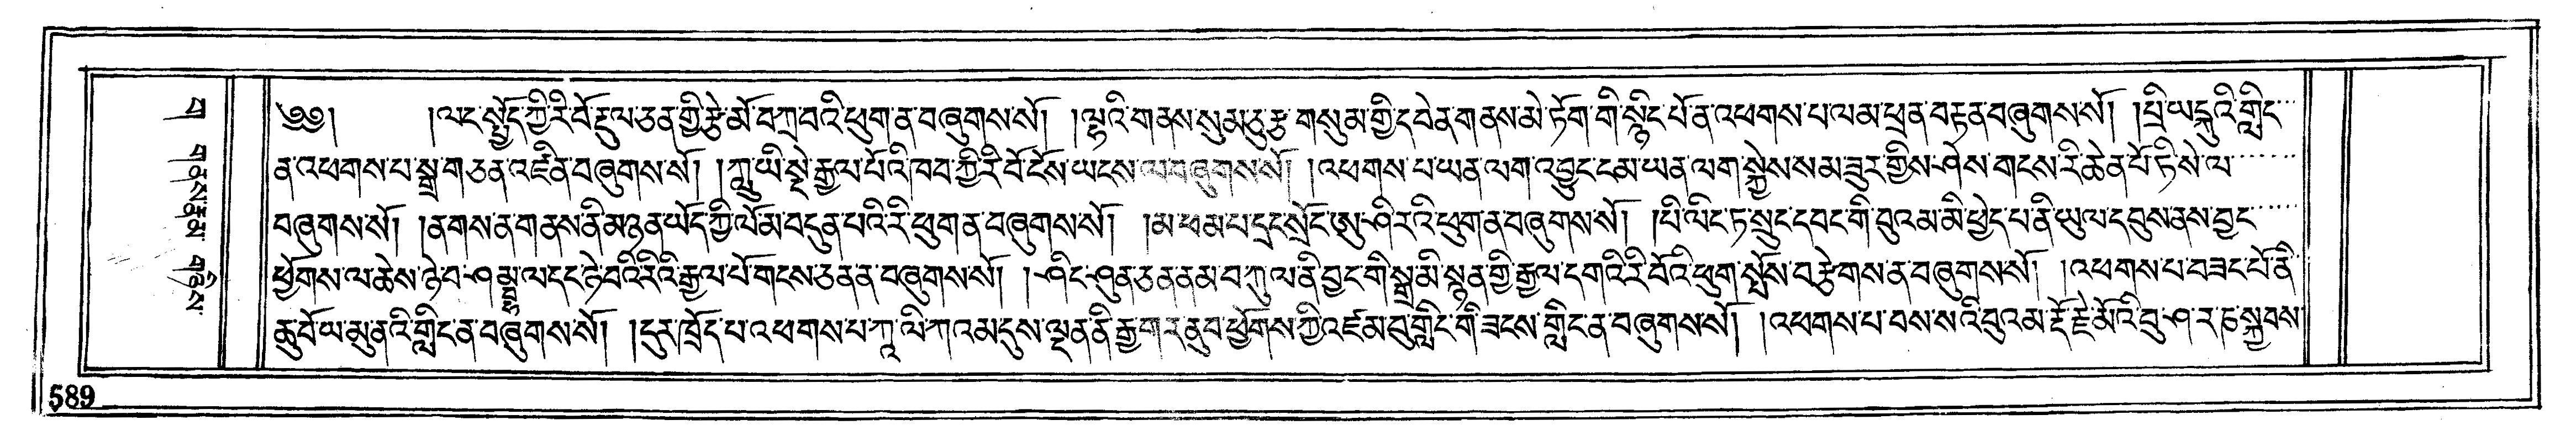༄༅། །ལང་སྤྱོད་ཀྱི་རི་བོ་རྡུལ་ཅན་གྱི་རྩེ་མོ་བཀྲ་བའི་ཕུག་ན་བཞུགས་སོ། །ལྷའི་གནས་སུམ་ཅུ་རྩ་གསུམ་གྱི་དབེན་གནས་མེ་ཏོག་གི་སྙིང་པོ་ན་འཕགས་པ་ལམ་ཕྲན་བརྟན་བཞུགས་སོ། །པྲི་ཡངྐུའི་གླིང་
ན་འཕགས་པ་སྒྲ་གཅན་འཛིན་བཞུགས་སོ། །ཀླུ་ཡི་སྡེ་རྒྱལ་པོའི་ཁབ་ཀྱི་རི་བོ་ངོས་ཡངས་ལ་བཞུགས་སོ། །འཕགས་པ་ཡན་ལག་འབྱུང་ངམ་ཡན་ལག་སྐྱེས་སམ་ཟུར་གྱིས་ཤེས་གངས་རི་ཆེན་པོ་ཏི་སེ་ལ་
བཞུགས་སོ། །ནགས་ན་གནས་ནི་མཉན་ཡོད་ཀྱི་ལོ་མ་བདུན་པའི་རི་ཕུག་ན་བཞུགས་སོ། །མ་ཕམ་པ་དྲང་སྲོང་ཨུ་ཤི་རའི་ཕུག་ན་བཞུགས་སོ། །པི་ལིང་ཏ་སྲུང་དབང་གི་བུའམ་མི་ཕྱེད་པ་ནི་ཡུལ་དབུས་ནས་བྱང་
ཕྱོགས་ལ་ཆེས་ཉེ་བ་ཤམྦྷ་ལ་དང་ཉེ་བའི་རིའི་རྒྱལ་པོ་གངས་ཅན་ན་བཞུགས་སོ། །ཤིང་ཤུན་ཅན་ནམ་བ་ཀུ་ལ་ནི་བྱང་གི་སྒྲ་མི་སྙན་གྱི་རྒྱལ་དགའི་རི་བོའི་ཕུག་སྤོས་བརྩེགས་ན་བཞུགས་སོ། །འཕགས་པ་བཟང་པོ་ནི་
ཆུ་བོ་ཡ་མུ་ནའི་གླིང་ན་བཞུགས་སོ། །དུར་ཁྲོད་པ་འཕགས་པ་ཀཱ་ལི་ཀའམ་དུས་ལྡན་ནི་རྒྱ་གར་ནུབ་ཕྱོགས་ཀྱི་འཛམ་བུ་གླིང་གི་ཟངས་གླིང་ན་བཞུགས་སོ། །འཕགས་པ་བས་སའི་བུའམ་རྡོ་རྗེ་མོའི་བུ་ཤ་ར་ཎ་སྐྱབས་